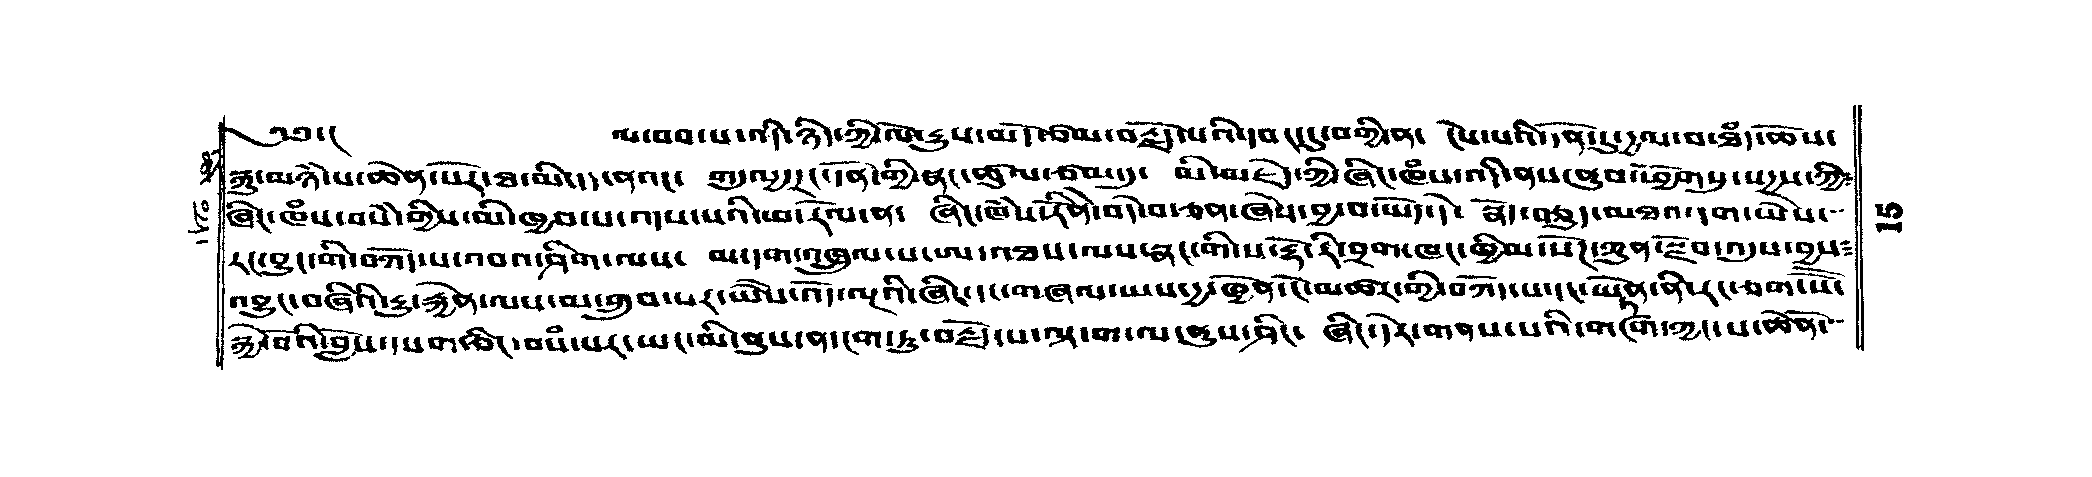ལ་བབ་པ་འདི་ཉིད་ཀྱི་ལོ་རྒྱུས་མོད་ཙམ་བརྗོད་པའི་དབང་དུ་བགྱི་ན། ངེས་པའི་དོན་དུ་རྒྱལ་བ་ཐམས་ཅད་ཆོས་
སྐུ་མཉམ་པ་ཆེན་པོར་ཐ་མི་དད་ནའང་། གདུལ་བྱ་དྲང་དོན་གྱི་སྣང་ཚུལ་ཙམ་དུ། མི་མཇེད་ཀྱི་ཞིང་ཁམས་འདི་ནས་ནུབ་ཕྱོགས་སུ་སངས་རྒྱས་ཀྱི་
ཞིང་ཁམས་བསམ་གྱིས་མི་ཁྱབ་པ་འདས་པའི་ཕ་རོལ་ན། ཞིང་ཁམས་རིན་པོ་ཆེ་བདེ་བ་ཅན་ཞེས་བྱ་བ་ཡོད་དེ། སྣོད་བཅུད་མཐའ་དག་ཡེ་ཤེས་
རང་བྱུང་གི་བཀོད་པ་འབའ་ཞིག་ལས། མ་དག་འཁྲུལ་པ་ཨ་འཐས་ལས་སྣང་གི་ས་རྡོ་རི་བྲག་ཁང་ཁྱིམ་སོགས་ཀུན་རྫོབ་འདུས་བྱས་
འབྱུང་བཞིའི་རྒྱུ་རྐྱེན་ལས་མ་གྲུབ་པར་ཡེ་ཤེས་འོད་ལྔའི་ཞིང་དང་གཞལ་ཡས་རྒྱ་ཁྱོན་ངོ་མཚར་གྱི་བཀོད་པ་དང་ཡིན་ཏན་ནི་རང་ཅག་སོ་སོ་
སྐྱེ་བོའི་བློས་དཔག་ཅིང་བསམ་པར་ཡང་མི་ནུས་ན་ངག་ཏུ་བརྗོད་པ་ལྟ་ག་ལ་ནུས་ཤིང་། ཞིང་དེར་གནས་པའི་གང་ཟག་ཀྱང་པ་ཆེན་པོ་